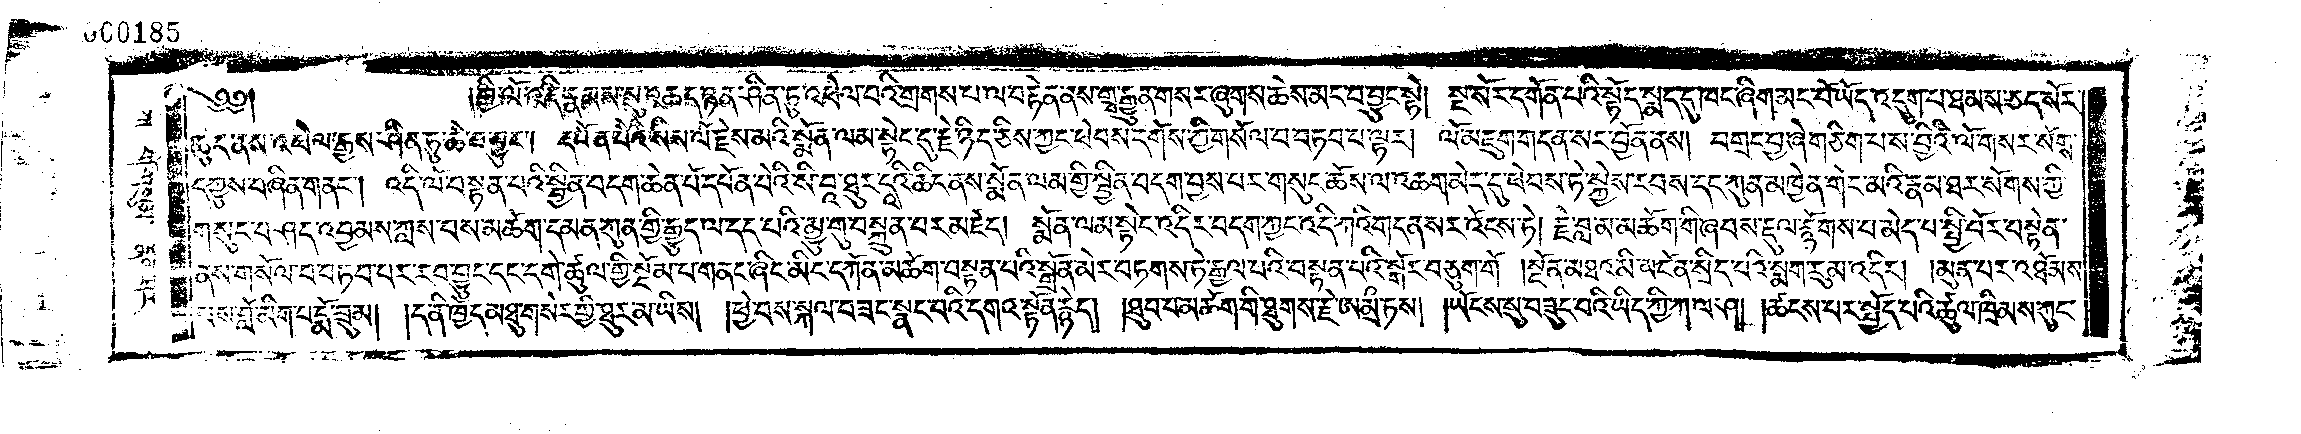༄༅། །གྱི་ལོ་འདི་རྣམས་སུ་འཆད་ཉན་ཤིན་ཏུ་འཕེལ་བའི་གྲགས་པ་ལ་བརྟེན་ནས་གྲྭ་རྒྱུན་གསར་ཞུགས་ཆེས་མང་བ་བྱུང་སྟེ། སྔ་སོར་དགོན་པའི་སྟོད་སྨད་དུ་ཁང་ཞིག་མང་པོ་ཡོད་འདུག་པ་ཐམས་ཅད་སོར་
ཆུད་ནས་འཕེལ་རྒྱས་ཤིན་ཏུ་ཆེ་བ་བྱུང་། དཔོན་པེའི་སིས་ལོ་རྗེས་མའི་སྨོན་ལམ་སྟེང་དུ་རྗེ་ཉིད་ཅིས་ཀྱང་ཕེབས་དགོས་ཀྱི་གསོལ་བ་བཏབ་པ་ལྟར། ལོ་མཇུག་གདན་སར་བྱོན་ནས། བགྲང་བྱ་ཞེ་གཅིག་པས་བྱིའི་ལོ་གསར་སོགས་
དཀྱུས་བཞིན་གནང་། འདི་ལོ་བསྟན་བའི་སྦྱིན་བདག་ཆེན་པོ་དཔོན་པེའི་སི་བཱ་ཐུར་དཱའི་ཆིང་ནས་སྨོན་ལམ་གྱི་སྦྱིན་བདག་བྱས་པར་གསུང་ཆོས་ལ་འཆག་མེད་དུ་ཕེབས་ཏེ་སྐྱེས་རབས་དང་ཀུན་མཁྱེན་གོང་མའི་རྣམ་ཐར་སོགས་ཀྱི་
གསུང་བཤད་འབྱམས་ཀླས་པས་མཆོག་དམན་ཀུན་གྱི་རྒྱུད་ལ་དད་པའི་མྱུ་གུ་བསྐྲུན་པར་མཛད། སྨོན་ལམ་སྟེང་འདིར་བདག་ཀྱང་འདི་ཀའི་གདན་སར་འོངས་ཏེ། རྗེ་བླ་མ་མཆོག་གི་ཞབས་རྡུལ་རྙོགས་བ་མེད་པ་སྤྱི་བོར་བསྟེན་
ནས་གསོལ་བ་བཏབ་པར་རབ་བྱུང་དང་དགེ་ཚུལ་གྱི་སྔོམ་པ་གནང་ཞིང་མིང་དཀོན་མཆོག་བསྟན་པའི་སྒྲོན་མེར་བཏགས་ཏེ་རྒྱལ་པའི་བསྟན་པའི་སྒོར་བཅུག་གོ །སྔོན་མཐའ་མི་མངོན་སྲིད་པའི་སྨག་རུམ་འདིར། །མུན་པར་འཐོམས་
པས་བློ་མིག་པདམོ་ཟུམ། །ད་ནི་ཁྱོད་མཐུ་གསེར་གྱི་ཐུར་མ་ཡིས། །ཕྱེ་བས་སྐལ་བཟང་སྣང་བའི་དགའ་སྟོན་རྙེད། །ཐུབ་པ་མཆོག་གི་ཐུགས་རྗེ་ཨ་མྲྀ་ཏས། །ཡོངས་སུ་བཟུང་བའི་ཡིད་ཀྱི་ཀ་ལ་ཤ། །ཚངས་པར་སྤྱོད་པའི་ཚུལ་ཁྲིམས་ཀུང་